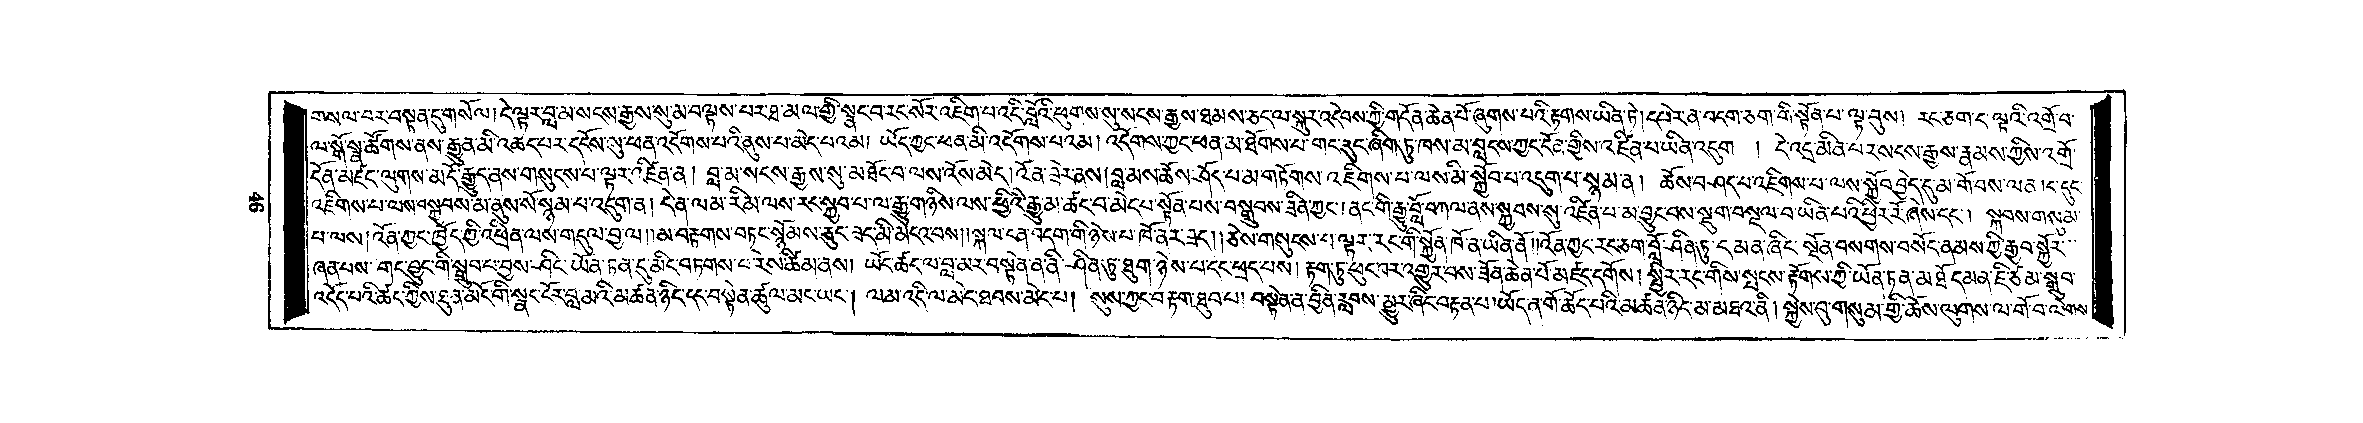གསལ་བར་བསྟན་དུ་གསོལ། དེ་ལྟར་བླ་མ་སངས་རྒྱས་སུ་མ་བལྟས་པར་ཐ་མལ་གྱི་སྣང་བ་རང་སོར་འཇིག་པ་འདི་བློའི་ཕུགས་སུ་སངས་རྒྱས་ཐམས་ཅད་ལ་སྐུར་འདེབས་ཀྱི་གདོན་ཆེན་པོ་ཞུགས་པའི་རྟགས་ཡིན་ཏེ། དཔེར་ན་བདག་ཅག་གི་སྟོན་པ་ལྟ་བུས། རང་ཅག་ད་ལྟའི་འགྲོ་བ་
ལ་སྒོ་སྣ་ཚོགས་ནས་རྒྱུན་མི་འཆད་པར་དངོས་སུ་ཕན་འདོགས་པའི་ནུས་པ་མེད་པའམ། ཡོད་ཀྱང་ཕན་མི་འདོགས་པའམ། འདོགས་ཀྱང་ཕན་མ་ཐོགས་པ་གང་རུང་ཞིག་ཏུ་ཁས་མ་བླངས་ཀྱང་དོན་གྱིས་འཛིན་པ་ཡིན་འདུག །དེ་འདྲ་མིན་པར་སངས་རྒྱས་རྣམས་ཀྱིས་འགྲོ་
དོན་མཛད་ལུགས་མདོ་རྒྱུད་ནས་གསུངས་པ་ལྟར་འཛིན་ན། བླ་མ་སངས་རྒྱས་སུ་མཐོང་བ་ལས་འོས་མེད། འོ་ན་ཟེར་ནས། བླ་མས་ཆོས་ཤོད་པ་མ་གཏོགས་འཇིགས་པ་ལས་མི་སྐྱོབ་པ་འདུག་པ་སྙམ་ན། ཆོས་བཤད་པ་འཇིགས་པ་ལས་སྐྱོབ་བྱེད་དུ་མ་གོ་བས་ལན། ད་དུང་
འཇིགས་པ་ལས་བསྐྱབས་མ་ནུས་སོ་སྙམ་པ་འདུག་ན། དེ་ན་ལམ་རིམ་ལས་རང་སྐྱབ་པ་ལ་རྒྱུ་གཉིས་ལས་ཕྱིའི་རྒྱུ་མ་ཚང་བ་མེད་པ་སྟོན་པས་བསྒྲུབས་ཟིན་ཀྱང་། ནང་གི་རྒྱུ་བློ་བཀལ་ནས་སྐྱབས་སུ་འཛིན་པ་མ་བྱུང་བས་སྡུག་བསྔལ་བ་ཡིན་པའི་ཕྱིར་རོ་ཞེས་དང་། སྐབས་གསུམ་
པ་ལས། འོན་ཀྱང་ཁྱོད་ཀྱི་འཕྲིན་ལས་གདུལ་བྱ་ལ། །མ་བརྟགས་བཏང་སྙོམས་ཅུང་ཟད་མི་མངའ་བས། །སྐལ་ངན་བདག་གི་ཉེས་པ་ཁོ་ནར་ཟད། །ཅེས་གསུངས་པ་ལྟར་རང་གི་སྐྱོན་ཁོ་ན་ཡིན་ནོ། །འོན་ཀྱང་རང་ཅག་བློ་ཤིན་ཏུ་དམན་ཞིང་སྔོན་བསགས་བསོད་ནམས་ཀྱི་རྒྱབ་སྐྱོར་
ཞན་པས་གང་བྱུང་གི་སྒྲུབ་པ་བྱས་ཤིང་ཡོན་ཏན་དུ་མིང་བཏགས་པ་རེས་ཚིམ་ནས། ཡོད་ཚད་ལ་བླ་མར་བསྟེན་ན་ནི་ཤིན་ཏུ་ཐུག་ཉེས་པ་དང་ཕྲད་པས། རྟག་ཏུ་ཕུང་བར་འགྱུར་བས་ཟོན་ཆེན་པོ་མཛད་དགོས། སྤྱིར་རང་གིས་སྤངས་རྟོགས་ཀྱི་ཡོན་ཏན་མཐོ་དམན་ཇི་ཙམ་སྒྲུབ་
འདོད་པའི་ཚད་ཀྱིས་ཐུན་མོང་གི་སྣང་ངོར་བླ་མའི་མཚན་ཉིད་དང་བསྟེན་ཚུལ་མང་ཡང་། ལམ་འདི་ལ་མེད་ཐབས་མེད་པ། སུས་ཀྱང་བརྟག་ཐུབ་པ། བསྟེན་ན་བྱིན་རླབས་མྱུར་ཞིང་བརྟན་པ། ཡོད་ན་གོ་ཆོད་པའི་མཚན་ཉིད་མ་མཐའ་ནི། སྐྱེས་བུ་གསུམ་གྱི་ཆོས་ལུགས་ལ་གོ་བ་ལེགས་